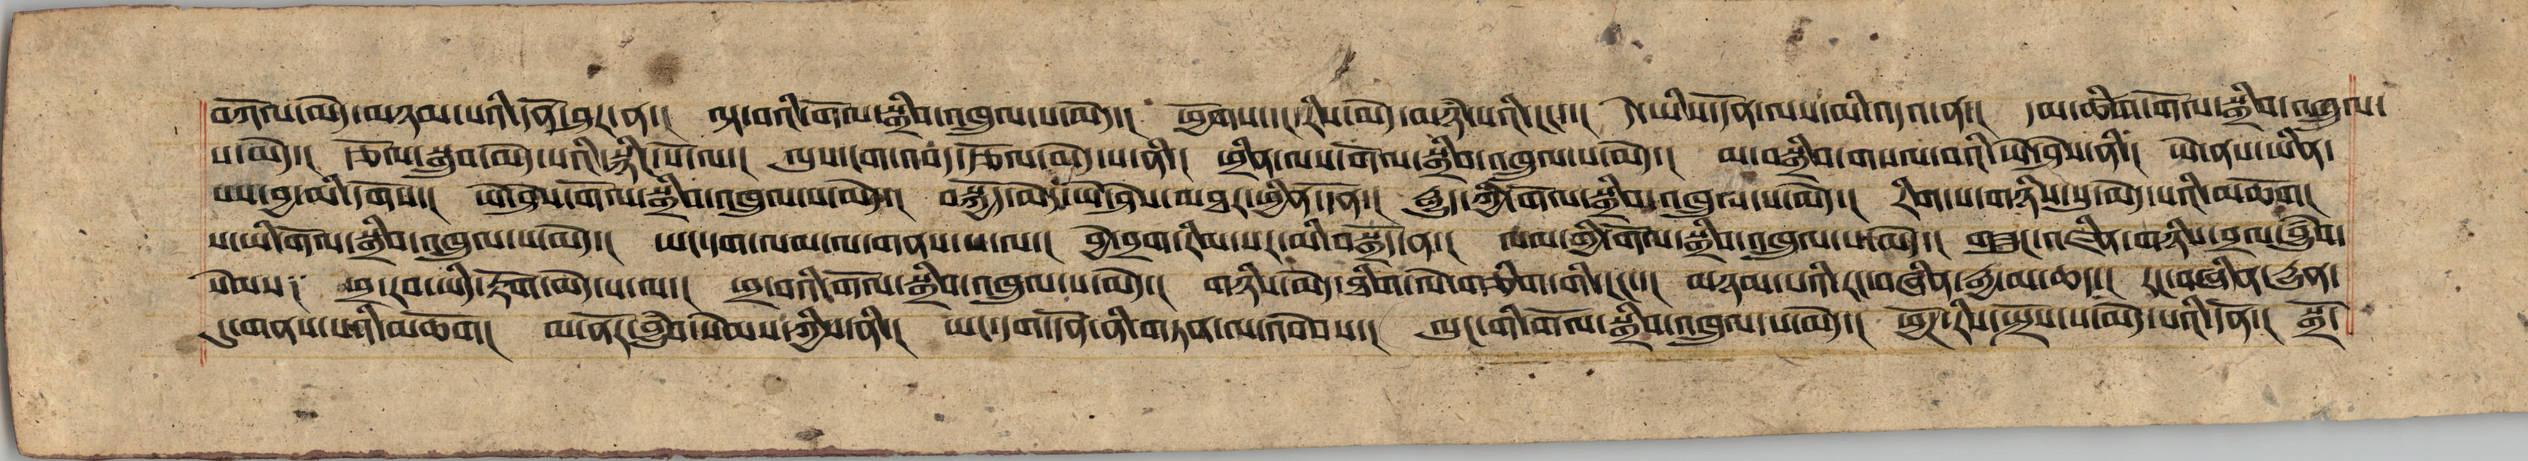བཀོལ་མེད་མཉམ་པའི་དོན་ཤར་ན་། ལྟ་བའི་གོལ་སྒྲིབ་འཁྲུལ་པ་མེད་། ཕྱོགས་དང་རིས་མེད་མཉཾ་པའི་ངང་་། དེ་ཡིས་དོན་ལས་མི་འདའ་ན་། དམ་ཚིག་གོལ་སྒྲིབ་འཁྲུལ་
པ་མེད་། རྩོལ་སྒྲུབ་མེད་པའི་སྙིང་པོ་ལ་། ལུས་ངག་འབད་རྩོལ་མེད་པ་ནི་། ཕྲིན་ལས་གོལ་སྒྲིབ་འཁྲུལ་པ་མེད་། མ་བསྒྲིབ་གསལ་བའི་ཡེ་ཤེས་ནི་། ཡེ་ནས་ཡིན་
པས་བྱ་མི་དགོས་། ཡེ་ཤེས་གོལ་སྒྲིབ་འཁྲུལ་པ་མེད་། བསྐྱོད་མེད་ཡེ་ཤེས་མཐར་ཕྱིན་དོན་། རྒྱུད་ཀྱི་གོལ་སྒྲིབ་འཁྲུལ་པ་མེད་། རིག་པ་གཉིས་སུ་མེད་པའི་མཆོག།
ས་ཡི་གོལ་སྒྲིབ་འཁྲུལ་པ་མེད་། ཡང་དག་ལམ་ལ་གནས་པ་ལ་། བྱེ་བྲག་རིམ་པར་མི་བསྒྲོད་ན་། རྩལ་གྱི་གོལ་སྒྲིབ་འཁྲུལ་པ་མེད་། གཟུང་འཛིན་གཉིས་བྲལ་བྱུཾབ་
སེམས༑ ཕྲ་རབ་ཡིད་རྟོག་མེད་པ་ལ་། ཕྲ་བའི་གོལ་སྒྲིབ་འཁྲུལ་པ་མེད་། གཉིས་མེད་ཐིག་ལེ་གཅིག་གི་ངང་་། མཉམ་པའི་རང་བཞིན་རྒྱ་མ་ཆད་། རང་བཞིན་དྱུན་
དུ་གནས་པའི་མཆོག། མ་ནོར་བྱུཾབ་སེམས་ཀྱིས་ནི་། ཡང་དག་དོན་ནི་གཏན་ལ་འབེབས་། ལུང་གི་གོལ་སྒྲིབ་འཁྲུལ་པ་མེད་། ཕྱོཌ་རིས་སྤྲོས་པ་མེད་པའི་དོན་། སྒྲོ་